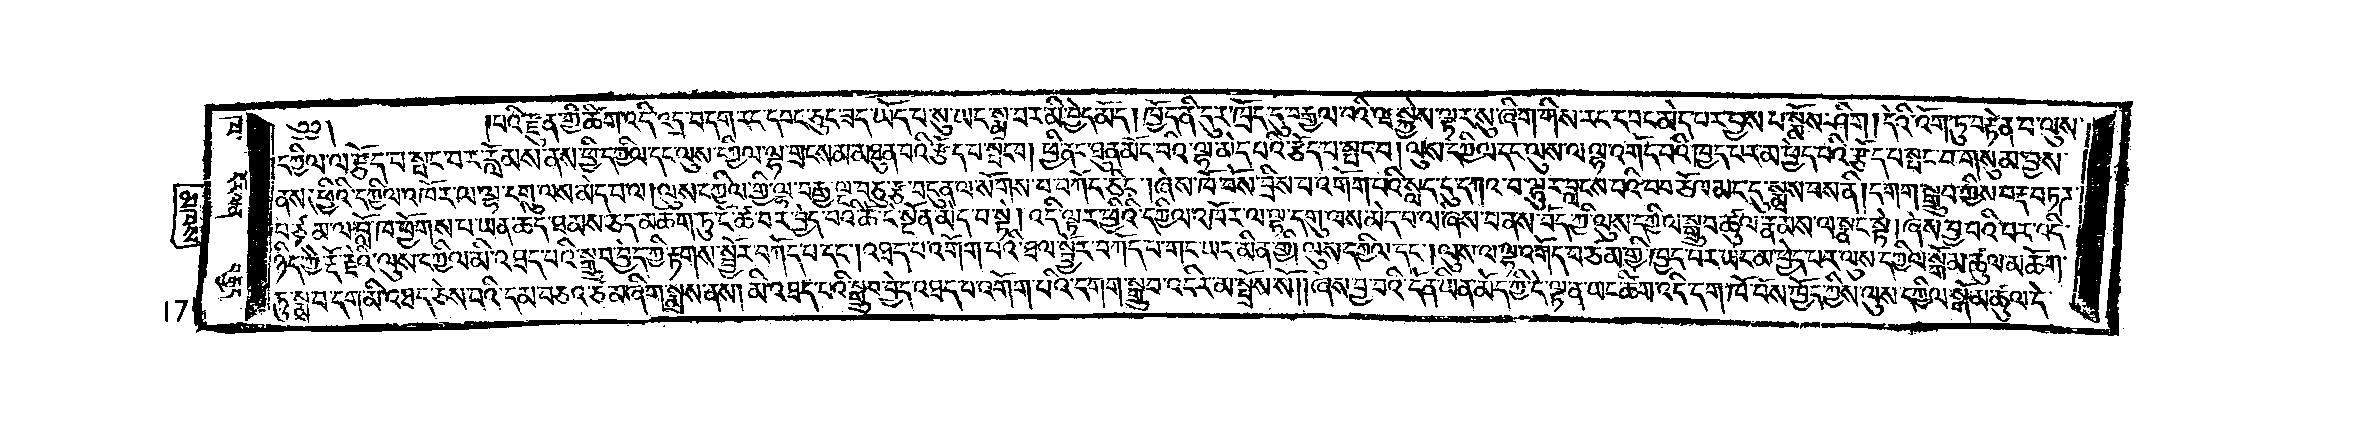༄༅། །པའི་རྫུན་གྱི་ཚིག་འདི་འདྲ་བ་དག་རང་དབང་ཅུང་ཟད་ཡོད་པ་སུ་ཡང་སྨྲ་བར་མི་བྱེད་མོད། ཁྱོད་ནི་དུར་ཁྲོད་དུ་བརྒྱལ་བའི་ཝ་སྐྱེས་ལྟར་སུ་ཞིག་གིས་རང་དབང་མེད་པར་བྱས་པ་སྨོས་ཤིག །དེའི་འོག་ཏུ་བརྟེན་པ་ལུས་
དཀྱིལ་ལ་རྩོད་པ་སྤང་བར་རློམས་ནས་ཕྱི་དཀྱིལ་དང་ལུས་དཀྱིལ་ལྷ་གྲངས་མ་མཐུན་པའི་རྩོད་པ་སྤོང་བ། ཕྱི་ནང་ཐུན་མོང་བའི་ལྷ་མེད་པའི་རྩོད་པ་སྤང་བ། ལུས་དཀྱིལ་དང་ལུས་ལ་ལྷ་འགོད་པའི་ཁྱད་པར་མ་ཕྱེད་པའི་རྩོད་པ་སྤངས་པ་གསུམ་བྱས་
ནས། ཕྱིའི་དཀྱིལ་འཁོར་ལ་ལྷ་དགུ་ལས་མེད་པ་ལ། ལུས་དཀྱིལ་གྱི་ལྷ་བརྒྱ་ལྔ་བཅུ་རྩ་བདུན་ལ་སོགས་པ་བཀོད་ཅིང་། ཞེས་ཁོ་བོས་བྲིས་པ་འགོག་པའི་སླད་དུ་དཀའ་བ་ལྷུར་བླངས་པའི་བབ་ཅོལ་མང་དུ་སྨྲས་པས་ནི། དགག་སྒྲུབ་ཀྱིས་བརྡ་བཏགས་
པ་ཙམ་ལ་བློ་ཁ་ཕྱོགས་པ་ཡན་ཆེད་ཐམས་ཅད་མཆོག་ཏུ་ངོ་ཚ་བར་བྱེད་པའི་ཚེ་དེ་སྔོན་མེད་པ་སྟེ། འདི་ལྟར་ཕྱིའི་དཀྱིལ་འཁོར་ལ་ལྷ་དགུ་ལས་མེད་པ་ལ་ཞེས་པ་ནས་བོད་ཀྱི་ལུས་དཀྱིལ་སྒྲུབ་ཚུལ་རྣམས་ལ་སྣང་སྟེ། ཞེས་བྱ་བའི་བར་འདི་
ཉིད་ཀྱཻ་རྡོ་རྗེའི་ལུས་དཀྱིལ་མི་འཐད་པའི་སྒྲུབ་བྱེད་ཀྱི་རྟགས་སྦྱོར་བཀོད་པ་དང་། འཐད་པ་འགོག་པའི་ཐལ་སྦྱོར་བཀོད་པ་གང་ཡང་མིན་གྱི། ལུས་དཀྱིལ་དང་། ལུས་ལ་ལྷ་འགོད་པ་ཙམ་གྱི་ཁྱད་པར་ཡང་མ་ཕྱེད་པར་ལུས་དཀྱིལ་སྒོམ་ཚུལ་མཆོག་
ཏུ་སྨྲ་བ་དག་མི་འཐད་ཅེས་པའི་དམ་བཅའ་ཙམ་ཞིག་སྨྲས་ནས། མི་འཐད་པའི་སྒྲུབ་བྱེད་འཐད་པ་འགོག་པའི་དགག་སྒྲུབ་འདིར་མ་སྤྲོས་སོ། །ཞེས་བྱ་བའི་དོན་ཡིན་མོད་ཀྱི་དེ་ལྟ་ན་ཡང་ཚིག་འདི་དག་ཁོ་བོས་ཁྱོད་ཀྱིས་ལུས་དཀྱིལ་སྒོམ་ཚུལ་དེ་